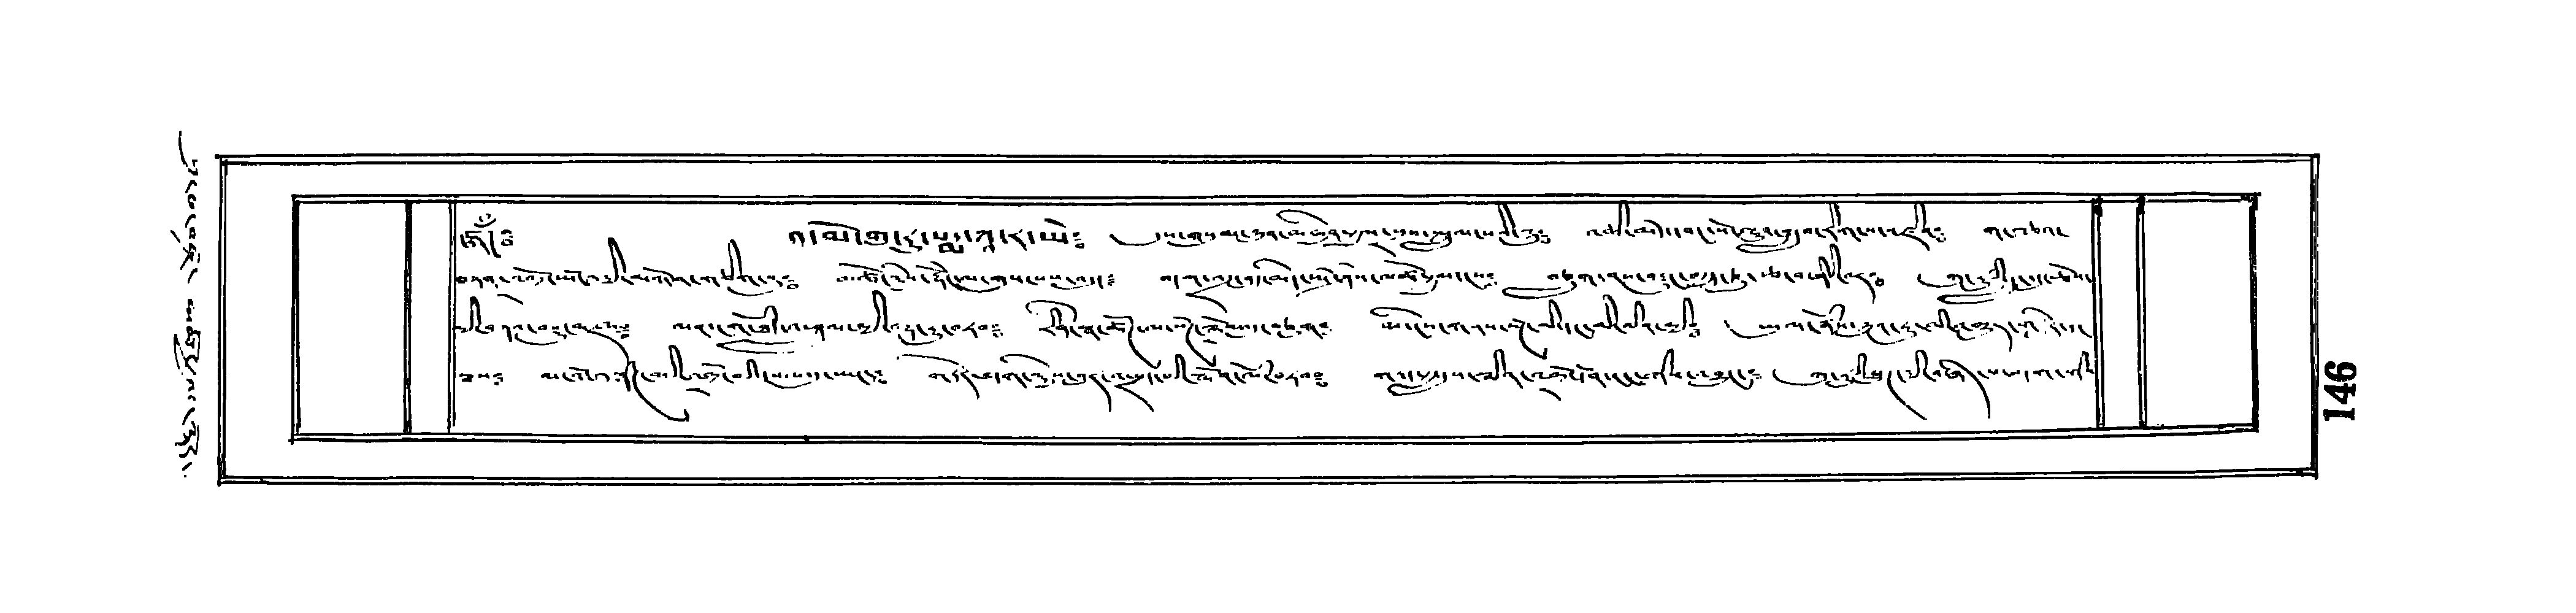ན་མོ་གུ་རུ་པདྨ་ཀཱ་ར་ཡེ༔ དུས་གསུམ་ཀུན་མཁྱེན་རྒྱལ་སྲས་སྤྲུལ་པའི་སྐུ༔ འཆི་མེད་དབང་པོ་ལྷུན་གྲུབ་རིག་པ་འཛིན༔ གངས་ཅན་
བསྟན་འགྲོ་ཡོངས་ཀྱི་མགོན་གཅིག་པུ༔ མཚོ་སྐྱེས་རྡོ་རྗེ་འཆང་ལ་གུས་པས་འདུད༔ བདག་འདྲ་བུད་མེད་ཡེ་ཤེས་མཚོ་རྒྱལ་ངས༔ བཅུ་དྲུག་ནས་བཟུང་བརྒྱད་ཅུ་རྩ་བཞིའི་བར༔ གུ་རུའི་དྲུང་དུ་ཆོས་
ཀྱི་བཀའ་བསྡུ་མཛད༔ མན་ངག་ཐམས་ཅད་འཕྲུལ་གྱི་བརྡ་རུ་བཏབ༔ རིན་ཆེན་སྣ་ཚོགས་ལ་སོགས་སྒྲོམ་དུ་བཅུག༔ མ་ངེས་གནས་སོགས་མི་དང་མི་མིན་གྱི༔ ཡུལ་རྣམས་ཀུན་ཏུ་མི་འགྱུར་གཏེར་དུ་
སྦས༔ མ་འོངས་སྙིགས་མའི་འགྲོ་བའི་དཔལ་དུ་ཡང༔ གཏེར་བདག་སྐྱེས་བུར་འཕྲད་པའི་སྨོན་ལམ་བཏབ༔ གཏད་རྒྱ་དུས་སྨིན་འགྲོ་དོན་ངང་གིས་འབྱུང༔ གུ་རུའི་ཐུགས་ཀྱི་བཞེད་པ་བདག་གི་